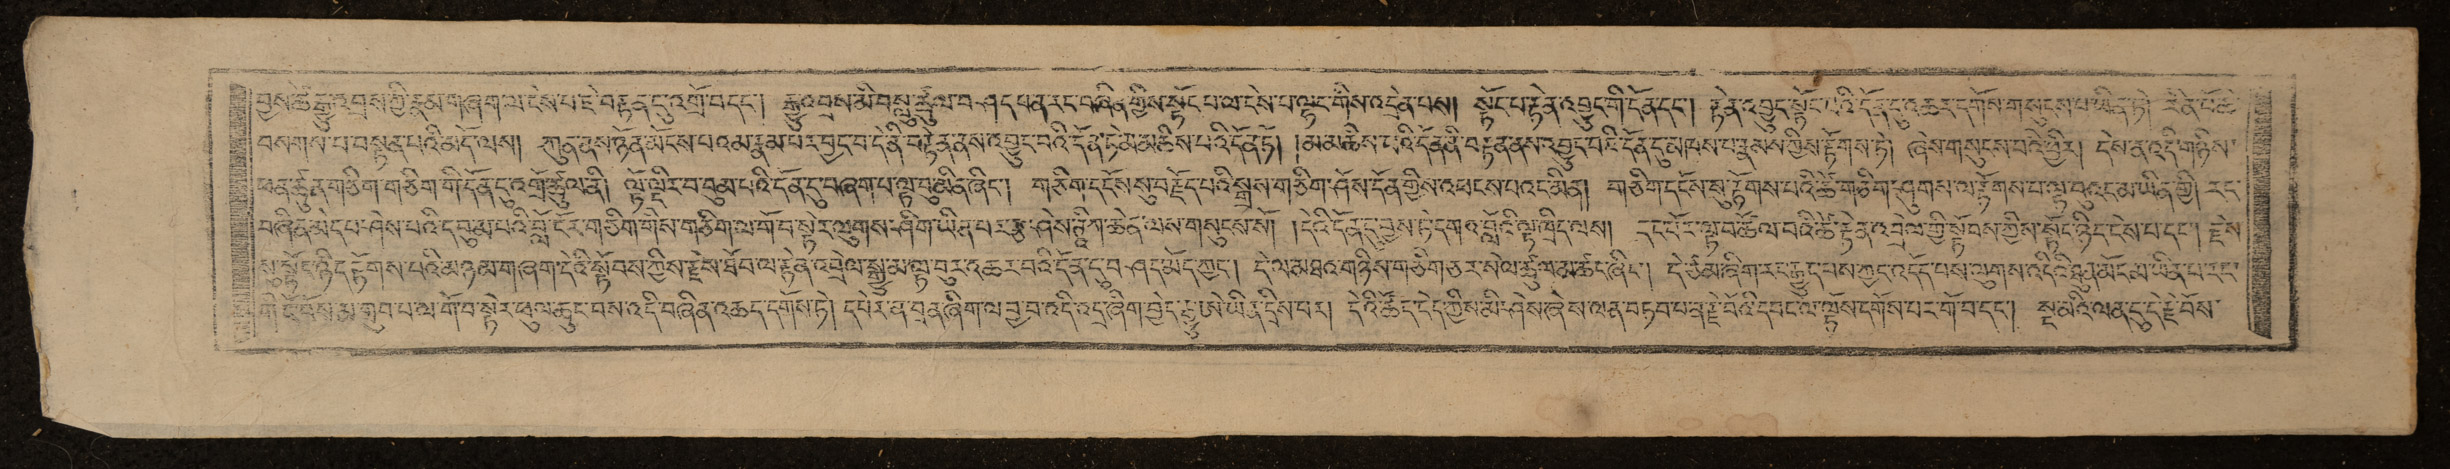བྱས་ཚེ་རྒྱུ་འབྲས་ཀྱི་རྣམ་གཞག་ལ་ངེས་བ་ཇེ་བརྟན་དུ་འགྲོ་བ་དང་། རྒྱུ་འབྲས་མི་བསླུ་ཚུལ་བཤད་བ་ན་རང་བཞིན་གྱིས་སྟོང་བ་ལ་ངེས་བ་ལྷང་གིས་འདྲེན་བས། སྟོང་བརྟེན་འབྱུང་གི་དོན་དང་། རྟེན་འབྱུང་སྟོང་པའི་དོན་དུ་འཆར་དགོས་གསུངས་བ་ཡིན་ཏེ། རིན་པོ་ཆེ་
བསགས་པ་བསྟན་བའི་མདོ་ལས། ཀུན་ནས་ཉོན་མོངས་པའམ་རྣམ་པར་བྱང་བ་དེ་ནི་བརྟེན་ནས་འབྱུང་བའི་དོན་ཏེ་མ་མཆིས་པའི་དོན་ཏོ། །མ་མཆིས་བའི་དོན་ནི་བརྟེན་ནས་འབྱུང་བའི་དོན་དུ་མཁས་པ་རྣམས་ཀྱིས་རྟོགས་ཏེ། ཞེས་གསུངས་པའི་ཕྱིར། དེས་ན་འདི་གཉིས་
ཕན་ཚུན་གཅིག་གཅིག་གི་དོན་དུ་འགྲོ་ཚུལ་ནི། ལྟོ་ལྡིར་བ་བུམ་པའི་དོན་དུ་བཞག་པ་ལྟ་བུ་མིན་ཞིང་། གཅིག་དངོས་སུ་བརྗོད་པའི་སྒྲས་གཅིག་ཤོས་དོན་གྱིས་འཕངས་པའང་མིན། གཅིག་དངོས་སུ་རྟོགས་པའི་ཚེ་གཅིག་ཤུགས་ལ་རྟོགས་པ་ལྟ་བུའང་མ་ཡིན་གྱི། རང་
བཞིན་མེད་བ་ཤེས་པའི་དབུ་མ་པའི་བློ་ངོར་གཅིག་གིས་གཅིག་ལ་གོ་བ་སྟེར་ལུགས་ཤིག་ཡིན་བར་རྩ་ཤེས་ཊཱིཀ་ཆེན་ལས་གསུངས་སོ། །དེའི་དོན་དུ་བྱས་ཏེ་དགའ་བློའི་ལྟ་ཁྲིད་ལས། དང་པོར་ལྟ་བ་ཚོལ་བའི་ཚེ་རྟེན་འབྲེལ་གྱི་སྟོབས་ཀྱིས་སྟོང་ཉིད་ངེས་པ་དང་། རྗེས་
སུ་སྟོང་ཉིད་རྟོགས་པའི་མཉམ་གཞག་དེའི་སྟོབས་ཀྱིས་རྗེས་ཐོབ་ལ་རྟེན་འབྲེལ་སྒྱུ་མ་ལྟ་བུར་འཆར་བའི་དོན་དུ་བཤད་མོད་ཀྱང་། དེ་ལ་མཐའ་གཉིས་ཅིག་ཅར་སེལ་ཚུལ་མ་ཚང་ཞིང་། དེ་ཙམ་ཞིག་རང་རྒྱུད་བས་ཀྱང་འདོད་པས་ལུགས་འདིའི་ཐུན་མོང་མ་ཡིན་པ་རང་
གི་ངོ་བོས་མ་གྲུབ་པ་ལ་གོ་བ་སྟེར་ཉུལ་ཆུང་བས་འདི་བཞིན་འཆད་དགོས་ཏེ། དཔེར་ན་བྲན་ཞིག་ལ་བྱ་བ་འདི་འདྲ་ཞིག་བྱེད་རྒྱུ་སེ་ཡིན་བྲིས་པར། དེའི་ཚོད་ངེད་ཀྱིས་མི་ཤེས་ཞེས་ལན་བཏབ་བ་ན་རྗེ་བོའི་དབང་ལ་ལྟོས་དགོས་བར་གོ་བ་དང་། སྔ་མའི་ལན་དུ་དེ་རྗེ་བོས་